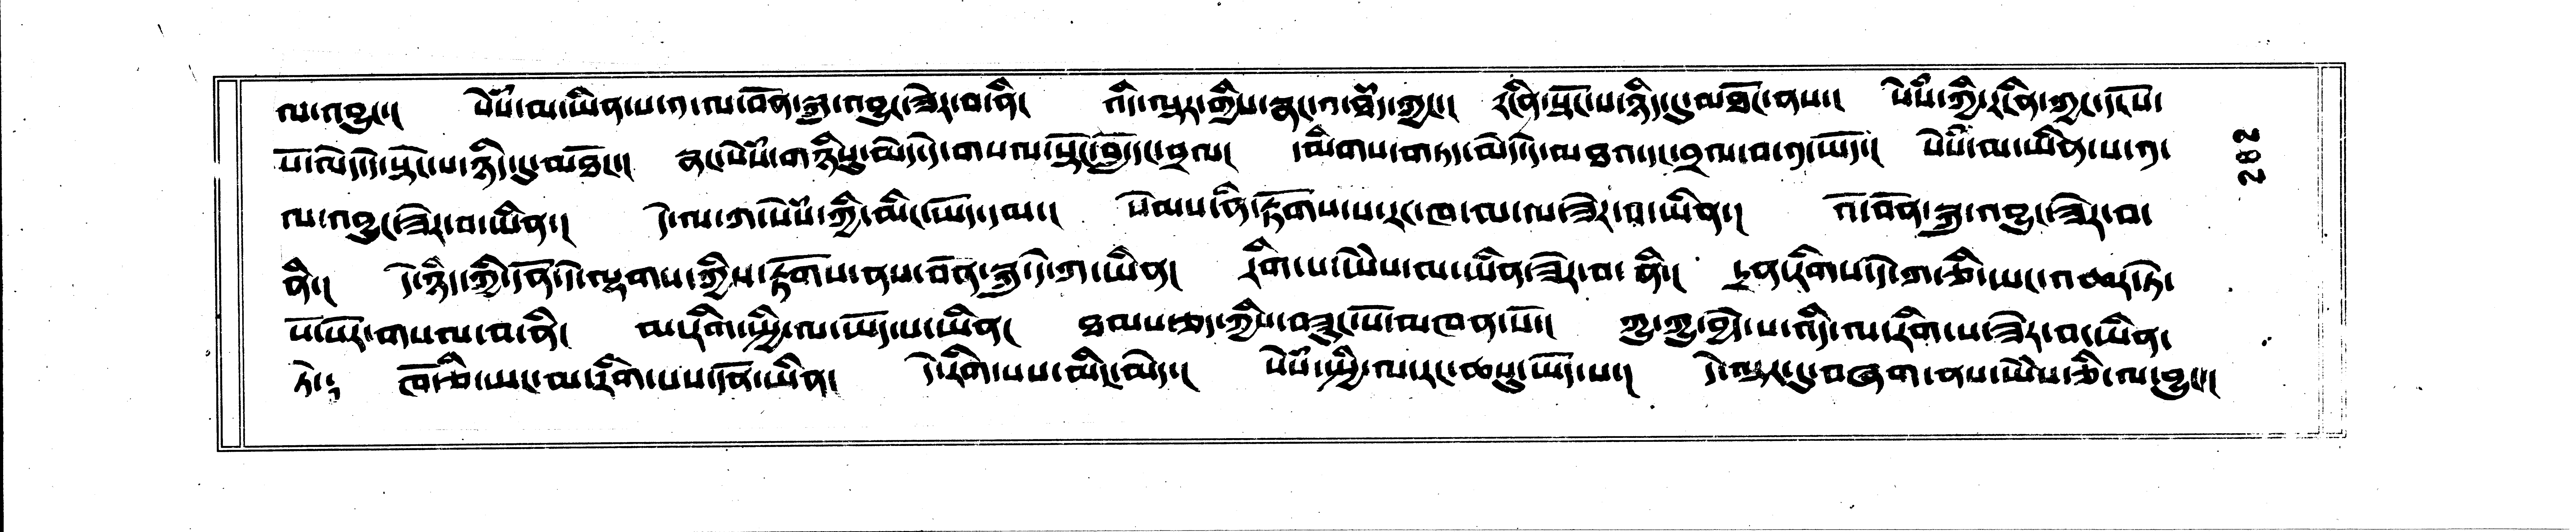ལ་འབྱུང་། སེམས་མ་ཡིན་པ་གཅིག་ལ་བོན་སྐུ་འབྱུང་ཟེར་བ་ནི། འདི་ལྟར་གྱིས་སྣང་བ་ཐམས་ཅད་ཀྱང་་། རང་བཞིན་མེད་དེ་སྟོང་པ་ཉིད་དུ་མཐོང་ན། སེམས་ཀྱིས་རང་བཞིན་ལ་དངོས་
པོ་མེད་དེ། སྟོང་པ་ཉིད་དུ་མཐོང་། སྣང་སེམས་གཉིས་སུ་མེད་དེ་གསལ་སྟོང་བློ་དང་བྲལ། དམིགས་གཏད་མེད་དེ་མཐའ་དང་བྲལ་བ་གཅིག་ཡོད། སེམས་མ་ཡིན་པ་གཅིག་
ལ་བོན་སྐུ་འབྱུང་ཟེར་བ་ནི་དེ་ཡིན། དེ་ལ་སེམས་ཀྱི་མིང་ཡོད། སེམས་ནི་རྟོག་པར་རང་ཁ་མ་ལ་ཟེར་བ་ཡིན། འོ་བོན་སྐུ་འབྱུང་ཟེར་བ་
ནི། དེ་ཉིད་ཀྱིས་དོན་དེ་ལྷགས་ཀྱིས་མཐོང་ན། བོན་སྐུ་དེ་ཀ་ཡིན། རིག་པ་ལས་ཡེ་ཤེས་མི་འབྱུང་ཟེར་བ་ནི། དྲན་རིག་འདི་ཀ་སོ་སོར་འཆར་ཏེ་
ཅིར་ཡང་གསལ་བ་ནི། མ་རིག་པ་སྤྱི་ལ་ཡོད་པ་ཡིན། ཐམས་ཅད་ཀྱིས་བཟུང་མཁན་པོ་ཀྱུ་ཀྱུ་བྱེད་པ་འདི་ལ་རིག་པ་ཟེར་བ་ཡིན་
ཏེ། ཁོའི་ཅི་ཡང་མ་རིག་པའི་དོན་ཡིན། དེ་ལ་རིག་པའི་མིང་མེད། དེ་སེམས་ཅན་སྤྱི་ལ་རང་ཆས་སུ་ཡོད་པ་དེ་ལྟར་དུ་བཞག་ན་ཡེ་ཤེས་ཅི་ལས་འབྱུང་།